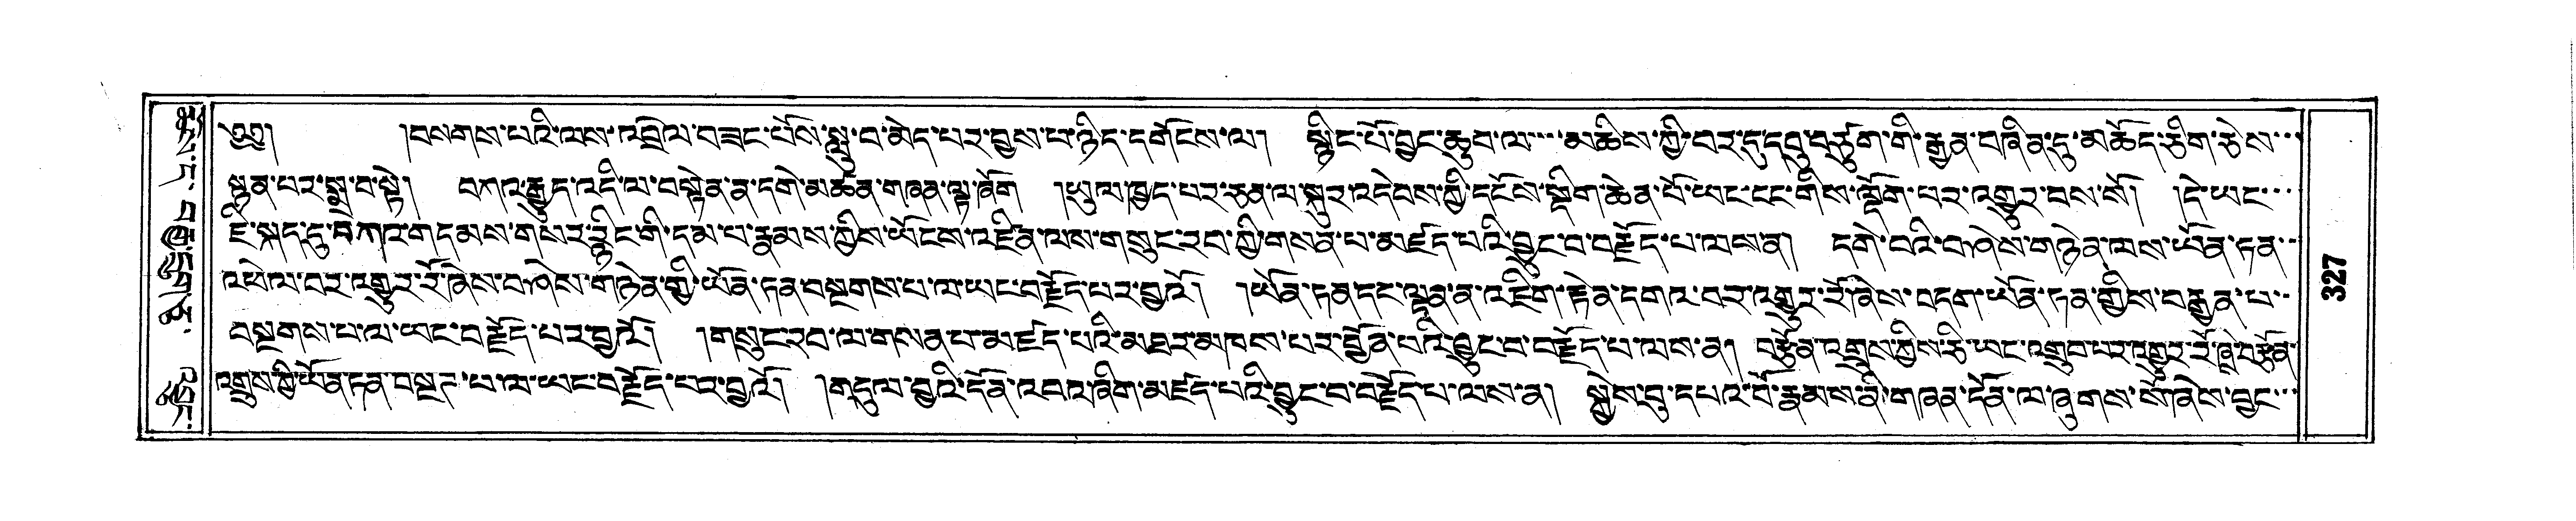༄༅། །བསགས་པའི་ལས་འབྲེལ་བཟང་པོས་སླུ་བ་མེད་པར་བྱས་པ་ཉིད་དགོངས་ལ། སྙིང་པོ་བྱང་ཆུབ་ལ་མཆིས་ཀྱི་བར་དུ་དབུ་བཙུག་གི་རྒྱན་བཞིན་དུ་མཆོད་ཅིག་ཅེས་
སྙན་པར་སྨྲ་བ་སྟེ། བཀའ་རྒྱུད་འདི་ལ་བསྟེན་ན་དགེ་མཚན་གཞན་ལྟ་ཞོག །ཡུལ་ཁྱད་པར་ཅན་ལ་སྐུར་འདེབས་ཀྱི་དངོས་སྡིག་ཆེན་པོ་ཡང་ངང་གིས་ལྡོག་པར་འགྱུར་བས་སོ། །དེ་ཡང་
ཇི་སྐད་དུ་བཀའ་གདམས་གསར་རྙིང་གི་དམ་པ་རྣམས་ཀྱིས་ཡོངས་འཛིན་ལས་གསུང་རབ་ཀྱི་གསན་པ་མཛད་པའི་བྱུང་བ་བརྗོད་པ་ལས་ན། དགེ་པའི་བཤེས་གཉེན་ལས་ཡོན་ཏན་
འཕེལ་བར་འགྱུར་རོ་ཞེས་བཤེས་གཉེན་གྱི་ཡོན་ཏན་བསྔགས་པ་ལ་ཡང་བརྗོད་པར་བྱའོ། །ཡོན་ཏན་དང་ལྡན་ན་འཇིག་རྟེན་དགའ་བར་འགྱུར་རོ་ཞེས་བདག་ཡོན་ཏན་གྱིས་བརྒྱན་པ་
བསྔགས་པ་ལ་ཡང་བརྗོད་པར་བྱའོ། །གསུང་རབ་ལ་གསན་པ་མཛད་པའི་མཐར་མཁས་པར་བྱོན་པའི་བྱུང་བ་བརྗོད་པ་ལས་ན། བརྩོན་འགྲུས་ཀྱི་ཅི་ཡང་འགྲུབ་པར་འགྱུར་རོ་ཞེས་བརྩོན་
འགྲུས་ཀྱི་ཡོན་ཏན་བསྔཌ་པ་ལ་ཡང་བརྗོད་པར་བྱའོ། །གདུལ་བྱའི་དོན་འབའ་ཞིག་མཛད་པའི་བྱུང་བ་བརྗོད་པ་ལས་ན། སྐྱེས་བུ་དཔའ་བོ་རྣམས་ནི་གཞན་དོན་ལ་ཞུགས་སོ་ཞེས་བྱང་